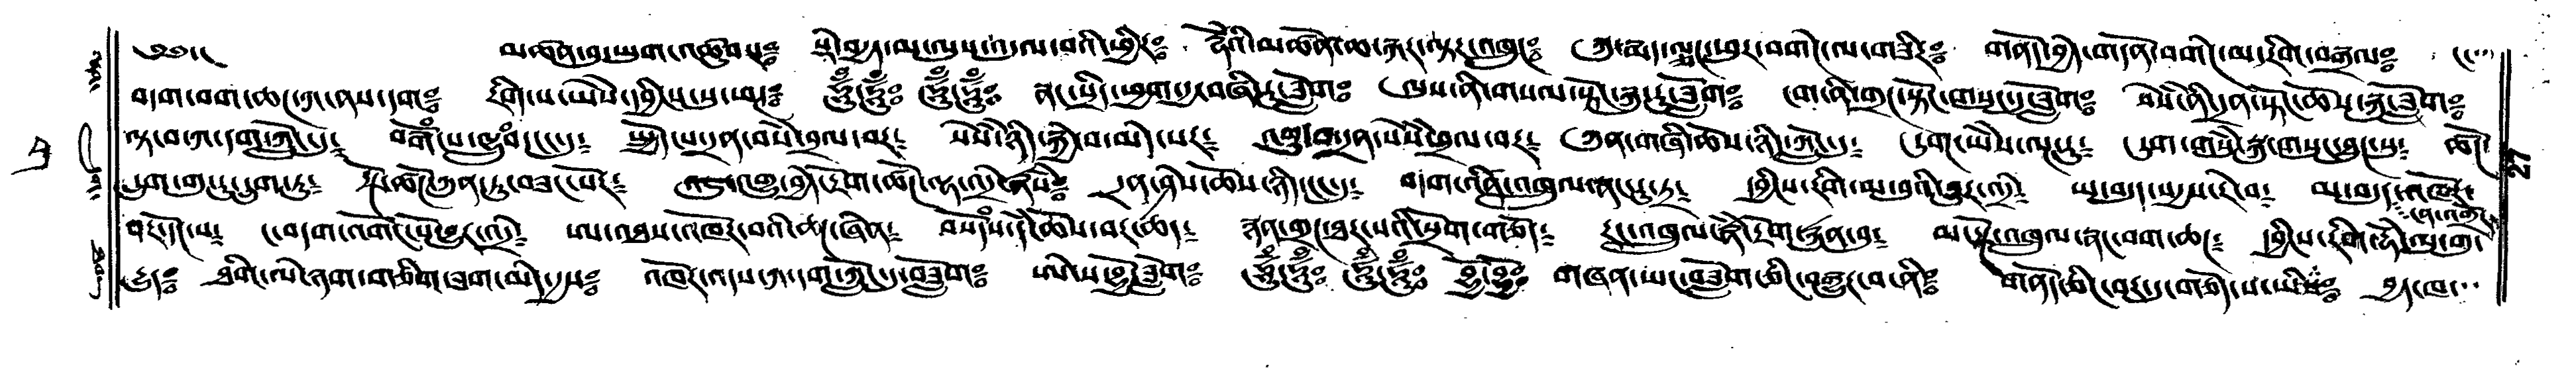མཚན་བུ་ཡུག་འཚུབས༔ སྡེ་བརྒྱད་མ་ལུས་འདུལ་བའི་ཕྱིར༔ རྡོ་རྗེའི་མཚོན་ཆ་སྐར་ལྟར་འཁྲུགས༔ སྐུ་སྨད་ལྕགས་ཕུར་བགེགས་ལ་གཟིར༔ གནོད་བྱེད་གདོན་བགེགས་མ་རིག་བསྒྲལ༔ ང་
བདག་བག་ཆགས་ཀ་ནས་དག༔ རིག་པ་ཡེ་ཤེས་དབྱིངས་སུ་ཕཊ༔ ཧཱུྃ་ཧཱུྃ༔ ཧཱུྃ་ཧཱུྃ༔ སྣང་སྲིད་ཕྱག་རྒྱ་བཞིརུ་ཟློག༔ ལུས་ནི་གསལ་སྟོང་སྐུ་རུ་ཟློག༔ ངག་ནི་གྲགས་སྟོང་གསུང་དུ་ཟློག༔ སེམས་ནི་དྲན་སྟོང་ཆོས་སྐུར་ཟློག༔ 
ལྟ་བ་ཀ་དག་ཀློང་དུ༴ བསྒོམ་པ་ལྷུན་གྲུབ་ངང་དུ༴ སྤྱོད་པ་དྲན་བསམ་བྲལ་བར༴ སེམས་ཉིད་སྐྱེ་བ་མེད་པར༴ འགྱུ་བ་དྲན་སེམས་བྲལ་བར༴ ཀུན་གཞི་ཆོས་ཉིད་ཀློང་དུ༴ དུག་ལྔ་ཡེ་ཤེས་ལྔ་རུ༴ དུག་གསུམ་སྐུ་གསུང་ཐུགས་སུ༴ ཚོགས་
དྲུག་གུ་རུ་དྲུག་ཏུ༴ རྟོག་ཚོགས་ཀུན་ཏུ་བཟང་པོར༴ འགྱུ་བྱེད་རྟོག་ཚོགས་ལྷ་འདྲེ་རྣམས༴ དྲན་ཤེས་ཆོས་ཉིད་ངང་དུ༴ བདག་འཛིན་འཁྲུལ་སྣང་རུ་ཏྲ༴ དབྱིངས་རིག་མ་བུའི་བྱུར་འདྲེ༴ ཡ་བདུད་སངས་རྒྱས་རེ་བ༴ མ་བདུད་འཁོར་
བར་དོགས་པ༴ ང་བདག་འགོང་པོ་བྱུར་འདྲེ༴ ཨ་འཐས་འཁོར་བའི་ཆགས་ཞེན༴ བསོད་ནམས་དམ་ཆོས་བར་ཆད༴ སྙན་གྲགས་ཐར་པའི་སྲོག་གཅོད༴ རང་འཁྲུལ་རྣམ་རྟོག་རྐུན་བུ༴ མ་རྟོགས་འཁྲུལ་སྣང་བག་ཆགས༴ དབྱིངས་རིག་རྡོ་རྗེ་ལུ་གུ་
རྒྱུད༔ ཐིག་ལེ་ཉག་གཅིག་ཟག་མེད་རྒྱས༔ འཁོར་འདས་ཀ་དག་ཀློང་དུ་ཟློག༔ ཨེ་ས་བྷྱོ་ཟློག༔ ཧཱུྃ་ཧཱུྃ༔ ཧཱུྃ་ཧཱུྃ༔ བྷྱོ་བྷྱོ༔ གཞན་ཡང་བཟློག་ཅིང་བསྒྱུར་བ་ནི༔གནོད་ཅིང་བར་དུ་གཅོད་པ་ཡིས༔ བྱད་ཁ་